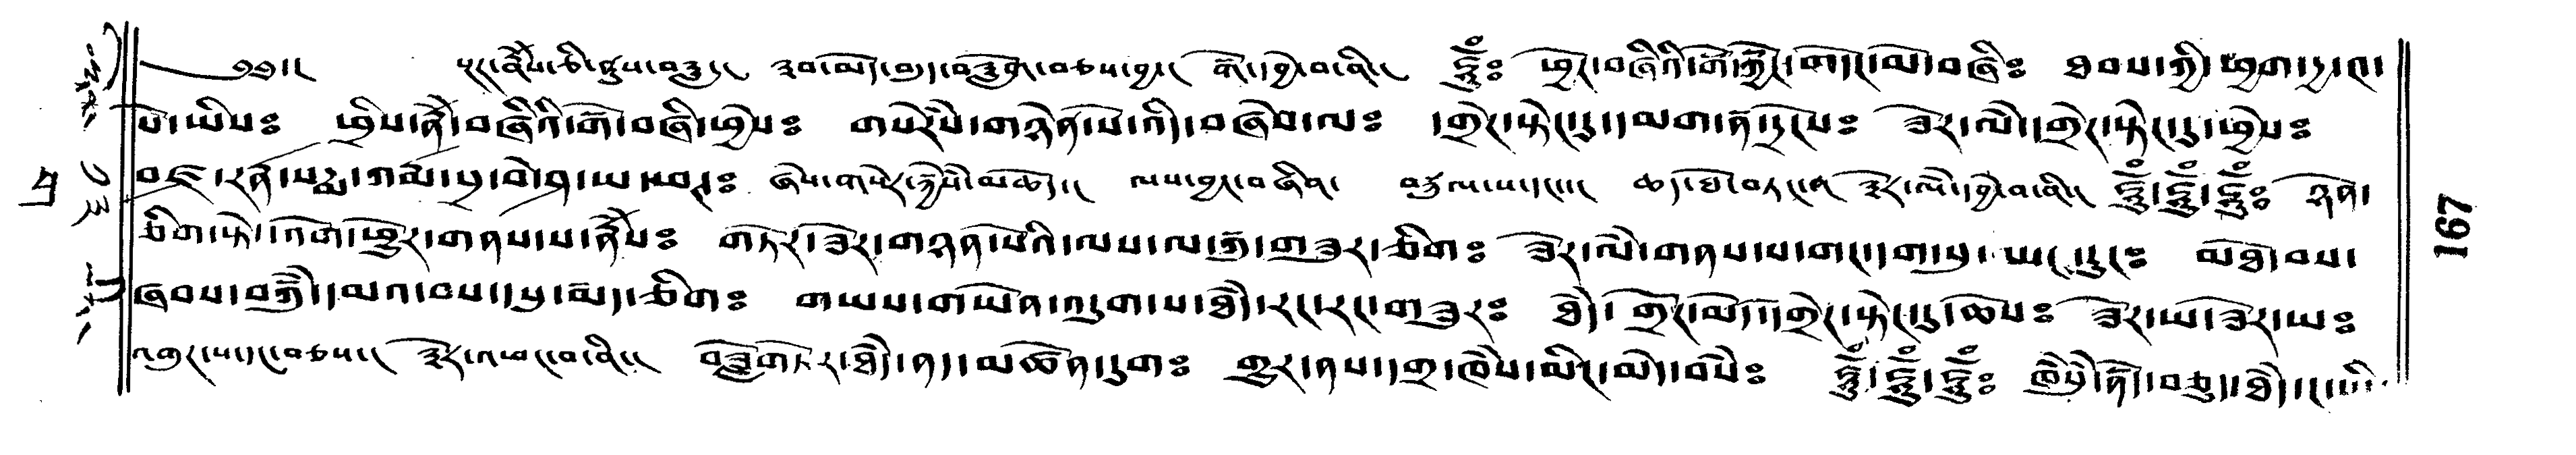སྔགས་རྣམས་ཅི་ནུས་བཟླ། ཟབ་མདོ་བདུད་བཟློག་བཅས་བྱ། སྒོ་དབྱེ་བ་ནི། ཧཱུྃ༔ ཕྱོགས་བཞིའི་སྒོ་སྐྱོང་གདོང་མོ་བཞི༔ ཐབས་ཀྱི་ཕྱག་རྒྱ་དང་
པོ་ཡིས༔ ཕྲིན་ལས་རྣམ་བཞིའི་སྒོ་བཞི་ཕྱེས༔ གསེར་སྐྱེམས་གཉེན་པོ་འདི་བཞེས་ལ༔ དགྲ་བགེགས་སྟེང་དུ་དམག་སྣ་དྲོངས༔ ཟོར་ལམ་དགྲ་བགེགས་སྟེ་དུ་ཕྱེས༔ 
བཛྲ་རཏྣ་པདྨ་ཀརྨ་པྲ་བེ་ཤ་ཡ་ཕཊ༔ ཞེས་གསེར་སྐྱེམས་མཆོད། ལས་བྱང་བཞིན། བསྐུལ་པ་དང་། ཆད་ཐོ་བཏང་། ཟོར་ལམ་དབྱེ་བ་ནི། ཧཱུྃ་ཧཱུྃ་ཧཱུྃ༔ ཉོན་
ཅིག་སྟེང་འོག་ཕྱོགས་བཅུར་གནས་པ་རྣམས༔ གཏོར་ཟོར་གཉན་པོའི་ལས་ལ་སྐུ་གཟུར་ཅིག༔ ཟོར་ལམ་གནས་པ་གང་དག་སུ་ཡང་རུང༔ མཐོ་བས་
ཞབས་བསྐུམ་དམའ་བས་དབུ་སྨད་ཅིག༔ གཡས་གཡོན་འདུག་པ་ཐམས་ཅད་རང་རང་གཟུར༔ ཐམས་ཅད་གྲོགས་མཛོད་དགྲ་བགེགས་སྟེང་དུ་ཆོས༔ ཟོར་ཡ་ཟོར་ཡ༔ 
འགུགས་པ་དང་བཅས། ཟོར་འཕང་བ་ནི། བཟློག་གཏོར་ཐམས་ཅད་ནད་མཚོན་དུག༔ གྱུར་ནས་དགྲ་ཁམས་མིང་མེད་བསམ༔ ཧཱུྃ་ཧཱུྃ་ཧཱུྃ༔ ཁམས་གསུམ་སྣོད་བཅུད་ཐམས་ཅད་ང་ཡི་